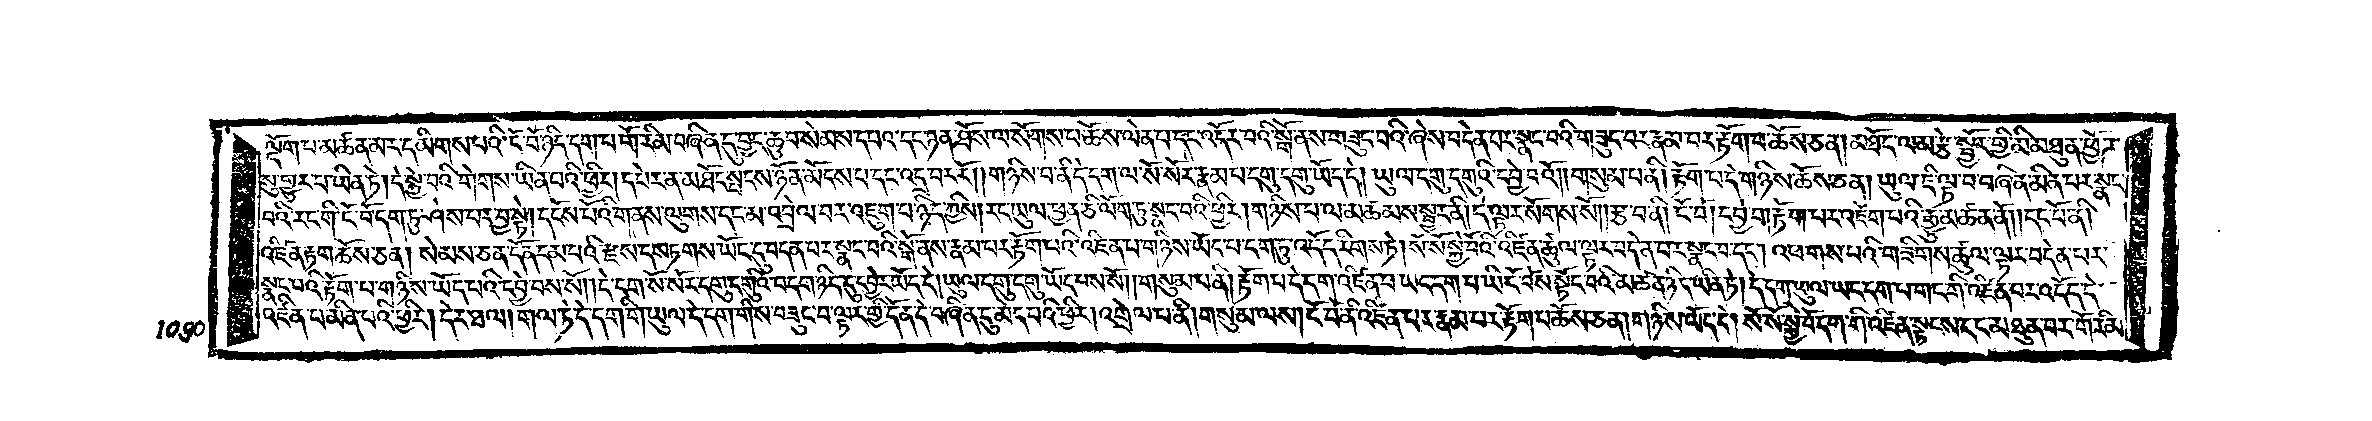ལྡོག་པ་མཚན་མར་དམིགས་པའི་ངོ་བོ་ཉིད་དག་པ་གོ་རིམ་བཞིན་དུ་བྱང་ཆུབ་སེམས་དཔའ་དང་ཉན་ཐོས་ལ་སོགས་པ་ཆོས་ལེན་པ་དང་འདོར་བའི་སྒོ་ནས་གཟུང་བའི་ཞེས་བདེན་པར་སྣང་བའི་གཟུང་བར་རྣམ་པར་རྟོག་པ་ཆོས་ཅན། མཐོང་ལམ་རྩེ་སྦྱོར་གྱི་མི་མཐུན་ཕྱོགས་
སུ་གྱུར་པ་ཡིན་ཏེ། དེ་སྐྱེ་བའི་གེགས་ཡིན་པའི་ཕྱིར། དཔེར་ན་མཐོང་སྤངས་ཉོན་མོངས་པ་དང་འདྲ་བར་རོ། །གཉིས་པ་ནི་དེ་དག་ལ་སོ་སོར་རྣམ་པ་དགུ་དགུ་ཡོད་དེ། ཡུལ་དགུ་དགུའི་དབྱེ་བའོ། །གསུམ་པ་ནི། རྟོག་པ་དེ་གཉིས་ཆོས་ཅན། ཡུལ་ཇི་ལྟ་བ་བཞིན་མིན་པར་སྣང་
བའི་རང་གི་ངོ་བོ་དག་ཏུ་ཤེས་པར་བྱ་སྟེ། དངོས་པོའི་གནས་ལུགས་དང་མ་འབྲེལ་བར་འཇུག་པ་ཉིད་ཀྱིས། རང་ཡུལ་ཕྱིན་ཅི་ལོག་ཏུ་སྣང་བའི་ཕྱིར། གཉིས་པ་ལ་མཚམས་སྦྱར་ནི། དེ་ལྟར་སོགས་སོ། །རྩ་བ་ནི། ངོ་བོ། དབྱེ་བ། རྟོག་པར་འཇོག་པའི་རྒྱུ་མཚན་ནོ། །དང་པོ་ནི།
འཛིན་རྟག་ཆོས་ཅན། སེམས་ཅན་དོན་དམ་པའི་རྫས་དེས་ཏགས་ཡོད་དུ་བདེན་པར་སྣང་བའི་སྒོ་ནས་རྣམ་པར་རྟོག་པའི་འཛིན་པ་གཉིས་ཡོད་པ་དག་ཏུ་འདོད་རིགས་ཏེ། སོ་སོ་སྐྱེ་བོའི་འཛིན་ཚུལ་ལྟར་བདེན་པར་སྣང་བ་དང་། འཕགས་པའི་གཟིགས་ཚུལ་ལྟར་བདེན་པར་
སྣང་བའི་རྟོག་པ་གཉིས་ཡོད་པའི་དབྱེ་བས་སོ། །དེ་དག་སོ་སོར་དགུ་དགུའི་བདག་ཉིད་དུ་དབྱེར་ཡོད་དེ། ཡུལ་དགུ་དགུ་ཡོད་པས་སོ། །གསུམ་པ་ནི། རྟོག་པ་དེ་དག་འཛིན་པ་ཡང་དག་པ་ཡི་ངོ་བོས་སྟོང་བའི་མཚན་ཉིད་ཡིན་ཏེ། དེ་དག་ཡུལ་ཡང་དག་པ་གང་གི་འཛིན་པར་འདོད་དེ་
འཛིན་པ་མིན་པའི་ཕྱིར། དེར་ཐལ། གལ་ཏེ་དེ་དག་གི་ཡུལ་དེ་དག་གིས་བཟུང་བ་ལྟར་གྱི་དོན་དེ་བཞིན་དུ་མེད་པའི་ཕྱིར། འགྲེལ་བ་ནི། གསུམ་ལས། ངོ་བོ་ནི་འཛིན་པར་རྣམ་པར་རྟོག་པ་ཆོས་ཅན། ཨགཉིས་ཡོད་དེ། སོ་སོ་སྐྱེ་བོ་དག་གི་འཛིན་སྟངས་དང་མཐུན་པར་གོ་རིམ་